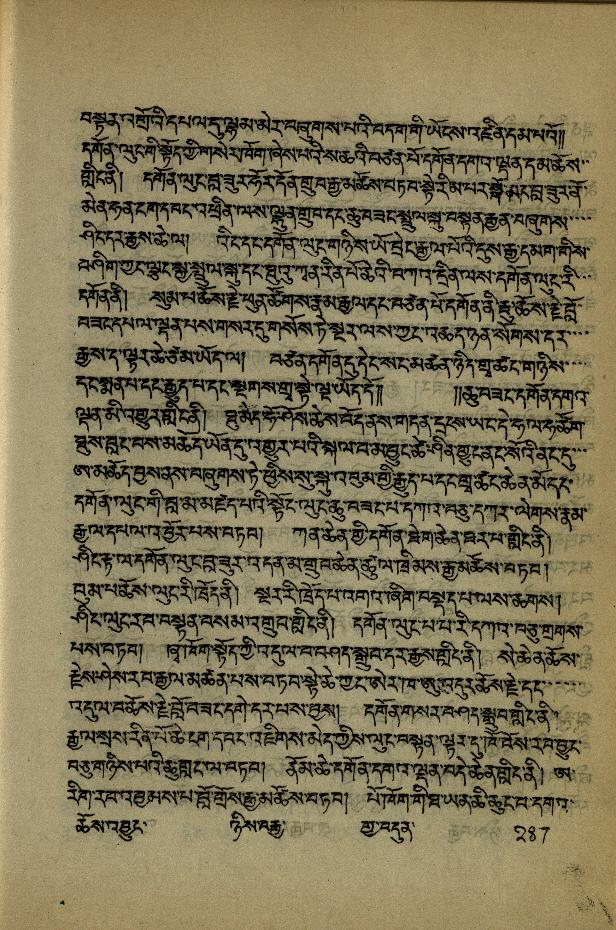བསྟན་འགྲོའི་དཔལ་དུ་ལྷམ་མེར་བཞུགས་པའི་བདག་གི་ཡོངས་འཛིན་དམ་པའོ།།
དགོན་ལུང་གི་སྟོད་ཀྱི་གསེར་ཁོག་ཞེས་པའི་ས་ཆའི་བཙན་པོ་དགོན་དགའ་ལྡན་དམ་ཆོས་
གླིང་ནི། དགོན་ལུང་བླ་ཟུར་ཧོར་དོན་གྲུབ་རྒྱ་མཚོས་བཏབ་སྟེ་རིམ་པར་སྒོ་མང་བླ་ཟུར་ནོ་
མེན་ཧན་ངག་དབང་འཕྲིན་ལས་ལྷུན་གྲུབ་དང་ཆུ་བཟང་སྤྲུལ་སྐུ་བསྟན་རྒྱན་བཞུགས་
ཤིང་དར་རྒྱས་ཆེ་ལ། འིང་དང་དགོན་ལུང་གཉིས་ཡོ་བྲེང་རྒྱལ་པོའི་དུས་རྒྱ་དམག་གིས་
བཤིག་ཀྱང་ལྕང་སྐྱ་སྤྲུལ་སྐུ་དང་ཐུའུ་ཀྭན་རིན་པོ་ཆེའི་བཀའ་དྲིན་ལས་དགོན་ལུང་རི་
དགོན་ནི། སུམ་པ་ཆོས་རྗེ་ཕུན་ཚོགས་རྣམ་རྒྱལ་དང་བཙན་པོ་དགོན་ནི་རྦུ་ཆོས་རྗེ་བློ་
བཟང་དཔལ་ལྡན་པས་གསར་དུ་གསོས་ཏེ་སྔར་ལས་ཀྱང་འཆད་ཉན་སོགས་དར་
རྒྱས་ད་ལྟར་ཆེ་ཙམ་ཡོད་ལ། བཙན་དགོན་དུ་དེང་སང་མཚན་ཉིད་གྲྭ་ཚང་གཉིས་
དང་སྨན་པ་དང་རྒྱུད་པ་དང་སྔགས་གྲྭ་སྟེ་ལྔ་ཡོད་དོ།། །།ཆུ་བཟང་དགོན་དགའ་
ལྡན་མི་འགྱུར་གླིང་ནི། ཐུ་མིད་ཧོ་ཤོས་ཆེས་བོད་ནས་གདན་དྲངས་ཡང་དེ་ཧལ་ཧ་ཚོག་
ཐུས་བླང་བས་མཆོད་ཡོན་དུ་འགྱུར་པའི་སྐལ་བ་མ་བྱུང་ཚེ་ཤིན་གྱུང་ནང་སོའི་ནང་དུ་
ཨ་མཆོད་བྱས་ནས་བཞུགས་ཏེ་ཕྱིས་སུ་སྐུ་འབུམ་གྱི་རྒྱུད་པ་དང་གྲྭ་ཚང་ཆེན་མོ་དང་
དགོན་ལུང་གི་བླ་མ་མཛད་པའི་སྟོང་ལུང་ཆུ་བཟང་པ་དཀའ་བཅུ་དཀར་ལེགས་རྣམ་
རྒྱལ་དཔལ་འབྱོར་པས་བཏབ། ཀན་ཆེན་གྱི་དགོན་ཐེག་ཆེན་ཐར་པ་གླིང་ནི།
ཤིང་རྟ་ལ་དགོན་ལུང་བླ་ཟུར་འདན་མ་གྲུབ་ཆེན་ཚུལ་ཁྲིམས་རྒྱ་མཚོས་བཏབ།
བུམ་པ་ཆོས་ལུང་རི་ཁྲོད་ནི། སྔར་རི་ཁྲོད་པ་འགའ་ཞིག་བསྡད་པ་ལས་ཆགས།
ཤིང་ལུང་རབ་བསྟན་བསམ་འགྲུབ་གླིང་ནི། དགོན་ལུང་པ་པ་རི་དཀའ་བཅུ་གྲགས་
པས་བཏབ། ཞྭ་ཁོག་སྟོད་ཀྱི་འདུལ་བ་བཤད་སྒྲུབ་དར་རྒྱས་གླིང་ནི། སེ་ཆེན་ཆོས་
རྗེས་ཤེས་རབ་རྒྱལ་མཚན་པས་བཏབ་སྟེ་ཆེ་ཀྱང་ཨེར་ཁ་ཨུ་འདུར་ཆོས་རྗེ་དང་
འདུལ་བ་ཆོས་རྗེ་བློ་བཟང་དགེ་དར་པས་བྱས། དགོན་གསར་བཤད་སྒྲུབ་གླིང་ནི།
རྒྱལ་སྲས་རིན་པོ་ཆེ་ངག་དབང་འཇིགས་མེད་ཀྱིས་ལུང་བསྟན་ལྟར་དུ་ཁོ་བོས་རབ་བྱུང་
བཅུ་གཉིས་པའི་ཆུ་གླང་ལ་བཏབ། ནོམ་ཆེ་དགོན་དགའ་ལྡན་བདེ་ཆེན་གླིང་ནི། ཨ་
རིག་རབ་འབྱམས་པ་བློ་གྲོས་རྒྱ་མཚོས་བཏབ། པོ་ཁོག་གི་ཐ་ཡན་ཆི་ཆུང་བ་དགའ་